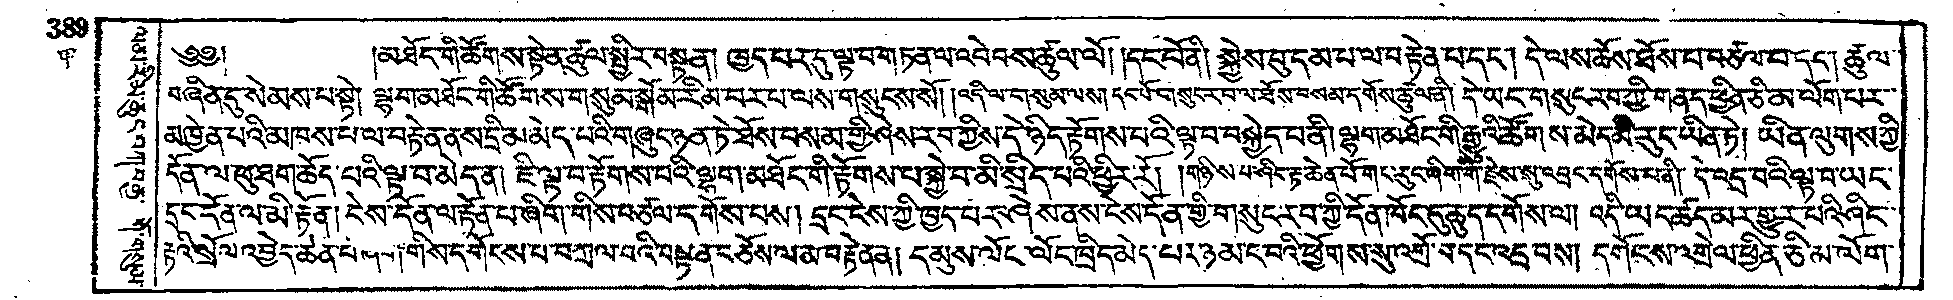༄༅། །མཐོང་གི་ཚོགས་སྟེན་ཚུལ་སྤྱིར་བསྟན། ཁྱད་པར་དུ་ལྟ་བ་གཏན་ལ་འབེབས་ཚུལ་ལོ། །དང་པོ་ནི། སྐྱེས་བུ་དམ་པ་ལ་བརྟེན་པ་དང་། དེ་ལས་ཆོས་ཐོས་པ་བཙལ་བ་དང་། ཚུལ་
བཞིན་དུ་སེམས་པ་སྟེ། ལྷག་མཐོང་གི་ཚོགས་གསུམ་སྒོམ་རིམ་པར་པ་ལས་གསུངས་སོ། །འདི་ལ་གསུམ་ལས། དང་པོ་གསུང་རབ་ལ་ཐོས་བསམ་དགོས་ཚུལ་ནི།  དེ་ཡང་གསུང་རབ་ཀྱི་གནད་ཕྱིན་ཅི་མ་ལོག་པར་
མཁྱེན་པའི་མཁས་པ་ལ་བརྟེན་ནས་དྲི་མ་མེད་པའི་གཞུང་ཉན་ཏེ་ཐོས་བསམ་གྱི་ཤེས་རབ་ཀྱིས་དེ་ཉིད་རྟོགས་པའི་ལྟ་བ་བསྐྱེད་པ་ནི། ལྷག་མཐོང་གི་རྒྱུའི་ཚོགས་མེད་མི་རུང་ཡིན་ཏེ། ཡིན་ལུགས་ཀྱི་
དོན་ལ་ཕུ་ཐག་ཆོད་པའི་ལྟ་བ་མེད་ན། ཇི་ལྟ་བ་རྟོགས་པའི་ལྷག་མཐོང་གི་རྟོགས་པ་སྐྱེ་བ་མི་སྲིད་པའི་ཕྱིར་རོ། །གཉིས་པ་ཤིང་རྟ་ཆེན་པོ་གང་རུང་ཞིག་གི་རྗེས་སུ་འབྲང་དགོས་པ་ནི།  དེ་འདྲ་བའི་ལྟ་བ་ཡང་
དྲང་དོན་ལ་མི་རྟོན། ངེས་དོན་ལ་རྟོན་པ་ཞིག་གིས་བཙལ་དགོས་པས། དྲང་ངེས་ཀྱི་ཁྱད་པར་ཤེས་ནས་ངེས་དོན་གྱི་གསུང་རབ་ཀྱི་དོན་ཁོང་དུ་ཆུད་དགོས་ལ། འདི་ཡང་ཚད་མར་གྱུར་པའི་ཤིང་
རྟའི་སྲོལ་འབྱེད་ཆེན་པོ་ཞིག་གིས་དགོངས་པ་བཀྲལ་བའི་བསྟན་བཅོས་ལ་མ་བརྟེན་ན། དམུས་ལོང་ལོང་ཁྲིད་མེད་པར་ཉམ་ང་བའི་ཕྱོགས་སུ་འགྲོ་བ་དང་འདྲ་བས། དགོངས་འགྲེལ་ཕྱིན་ཅི་མ་ལོག་